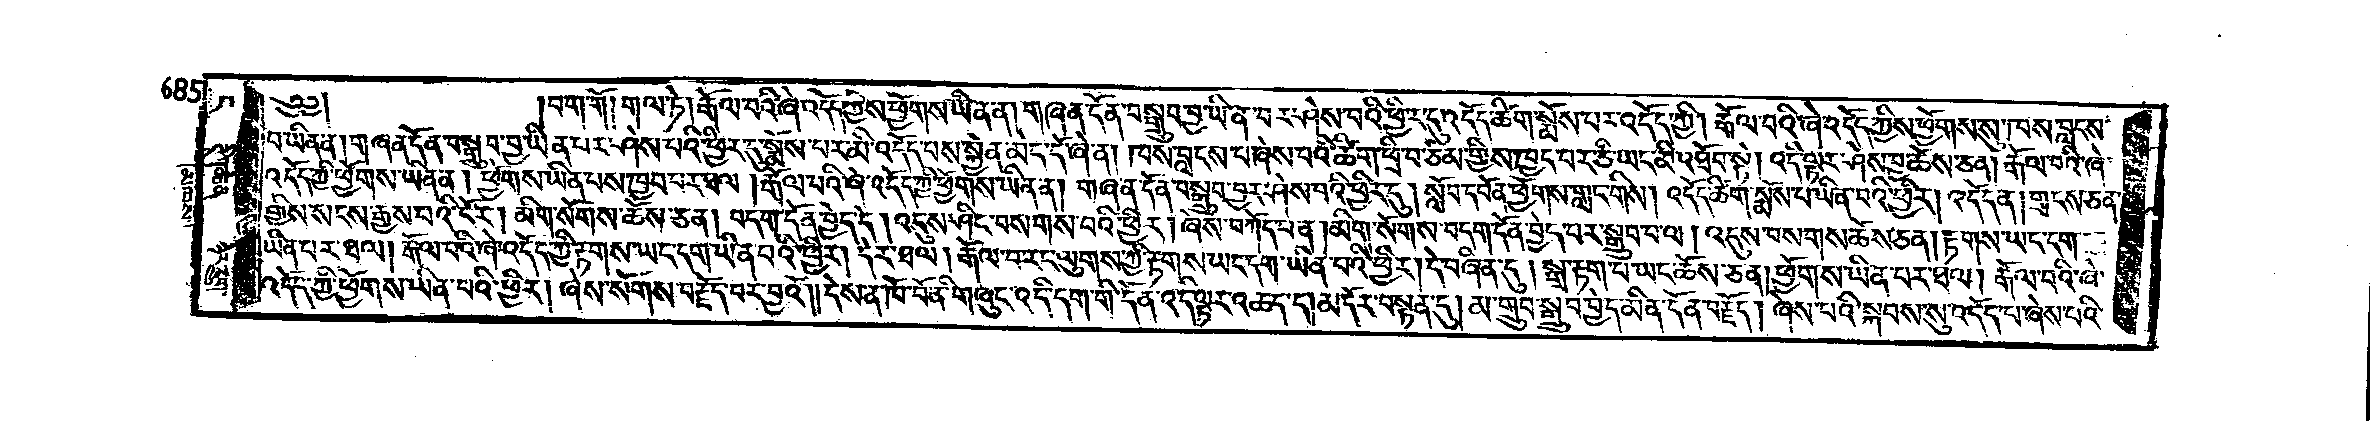༄༅། །བག་གོ། གལ་ཏེ། རྒོལ་བའི་ཞེ་འདོད་ཀྱིས་ཕྱོགས་ཡིན་ན། གཞན་དོན་བསྒྲུབ་བྱ་ཡིན་པར་ཤེས་པའི་ཕྱིར་དུ་འདོད་ཚིག་སྨོས་པར་འདོད་ཀྱི། རྒོལ་བའི་ཞེ་འདོད་ཀྱིས་ཕྱོགས་སུ་ཁས་བླངས་
པ་ཡིན་ན། གཞན་དོན་བསྒྲུབ་བྱ་ཡིན་པར་ཤེས་པའི་ཕྱིར་དུ་སྨོས་པར་མི་འདོད་པས་སྐྱོན་མེད་དོ་ཞེ་ན། ཁས་བླངས་པ་ཞེས་པའི་ཚིག་ཕྲི་བ་ཙམ་གྱིས་ཁྱད་པར་ཅི་ཡང་མི་འཐོབ་སྟེ། འདི་ལྟར་ཤེས་བྱ་ཆོས་ཅན། རྒོལ་བའི་ཞེ་
འདོད་ཀྱི་ཕྱོགས་ཡིན་ན། ཕྱོགས་ཡིན་པས་ཁྱབ་པར་ཐལ། རྒོལ་བའི་ཞེ་འདོད་ཀྱི་ཕྱོགས་ཡིན་ན། གཞན་དོན་བསྒྲུབ་བྱར་ཤེས་པའི་ཕྱིར་དུ། སློབ་དཔོན་ཕྱོགས་གླང་གིས། འདོད་ཚིག་སྨོས་པ་ཡིན་པའི་ཕྱིར། འདོད་ན། གྲངས་ཅན་
གྱིས་སངས་རྒྱས་པའི་ངོར། མིག་སོགས་ཆོས་ཅན། བདག་དོན་བྱེད་དེ། འདུས་ཤིང་བསགས་པའི་ཕྱིར། ཞེས་བཀོད་པ་ན། མིག་སོགས་བདག་དོན་བྱེད་པར་སྒྲུབ་པ་ལ། འདུས་བསགས་ཆོས་ཅན། རྟགས་ཡང་དག་
ཡིན་པར་ཐལ། རྒོལ་བའི་ཞེ་འདོད་ཀྱི་རྟགས་ཡང་དག་ཡིན་པའི་ཕྱིར། དེར་ཐལ། རྒོལ་བ་རང་ལུགས་ཀྱི་རྟགས་ཡང་དག་ཡིན་པའི་ཕྱིར། དེ་བཞིན་དུ། སྒྲ་རྟག་པ་ཡང་ཆོས་ཅན། ཕྱོགས་ཡིན་པར་ཐལ། རྒོལ་བའི་ཞེ་
འདོད་ཀྱི་ཕྱོགས་ཡིན་པའི་ཕྱིར། ཞེས་སོགས་བརྗོད་པར་བྱའོ། །དེས་ན་ཁོ་བོ་ནི་གཞུང་འདི་དག་གི་དོན་འདི་ལྟར་འཆད་དེ། མདོར་བསྟན་དུ། མ་གྲུབ་སྒྲུབ་བྱེད་མིན་དོན་བརྗོད། ཞེས་པའི་སྐབས་སུ་འདོད་པ་ཞེས་པའི་